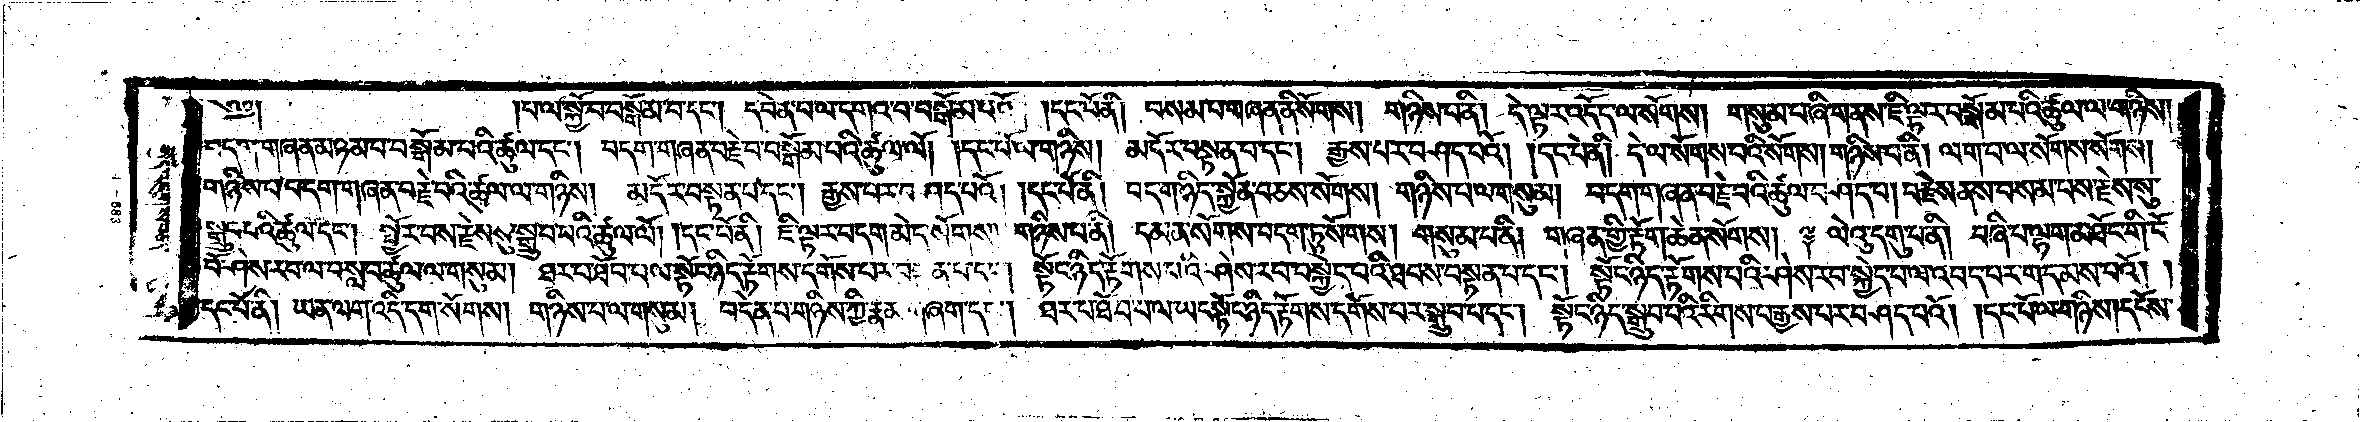༄༅། །པ་ལ་སྐྱོ་བ་བསྒོམ་པ་དང་། དབེན་པ་ལ་དགའ་བ་བསྒོམ་པའོ། །དང་པོ་ནི། བསམ་པ་གཞན་ནི་སོགས། གཉིས་པ་ནི། དེ་ལྟར་འདོད་ལ་སོགས། གསུམ་པ་ཞི་གནས་ཇི་ལྟར་བསྒོམ་པའི་ཚུལ་ལ་གཉིས།
བདག་གཞན་མཉམ་པ་བསྒོམ་པའི་ཚུལ་དང་། བདག་གཞན་བརྗེ་བ་བསྒོམ་པའི་ཚུལ་ལོ། །དང་པོ་ལ་གཉིས། མདོར་བསྟན་པ་དང་། རྒྱས་པར་བཤད་པའོ། །དང་པོ་ནི། དེ་ལ་སོགས་པའི་སོགས། གཉིས་པ་ནི། ལག་པ་ལ་སོགས་སོགས།
གཉིས་པ་བདག་གཞན་བརྗེ་བའི་ཚུལ་ལ་གཉིས། མདོར་བསྟན་པ་དང་། རྒྱས་པར་བཤད་པའོ། །དང་པོ་ནི། བདག་ཉིད་སྐྱོན་བཅས་སོགས། གཉིས་པ་ལ་གསུམ། བདག་གཞན་བརྗེ་བའི་ཚུལ་བཤད་པ། བརྗེས་ནས་བསམ་པས་རྗེས་སུ་
སྒྲུབ་པའི་ཚུལ་དང་། སྦྱོར་བས་རྗེས་སུ་སྒྲུབ་པའི་ཚུལ་ལོ། །དང་པོ་ནི། ཇི་ལྟར་བདག་མེད་སོགས། གཉིས་པ་ནི། དམན་སོགས་བདག་ཏུ་སོགས། གསུམ་པ་ནི། གཞན་གྱི་རྟོག་ཆེན་སོགས། ༈ ལེའུ་དགུ་པ་ནི། བཞི་པ་ལྷག་མཐོང་གི་ངོ་
བོ་ཤེས་རབ་ལ་བསླབ་ཚུལ་ལ་གསུམ། ཐར་པ་ཐོབ་པ་ལ་སྟོང་ཉིད་རྟོགས་དགོས་པར་བསྟན་པ་དང་། སྟོང་ཉིད་རྟོགས་པའི་ཤེས་རབ་བསྐྱེད་པའི་ཐབས་བསྟན་པ་དང་། སྟོང་ཉིད་རྟོགས་པའི་ཤེས་རབ་སྐྱེད་པ་ལ་འབད་པར་གདམས་པའོ། །
དང་པོ་ནི། ཡན་ལག་འདི་དག་སོགས། གཉིས་པ་ལ་གསུམ། བདེན་པ་གཉིས་ཀྱི་རྣམ་གཞག་དང་། ཐར་པ་ཐོབ་པ་ལ་ཡང་སྟོང་ཉིད་རྟོགས་དགོས་པར་སྒྲུབ་པ་དང་། སྟོང་ཉིད་སྒྲུབ་པའི་རིགས་པ་རྒྱས་པར་བཤད་པའོ། །དང་པོ་ལ་གཉིས། དངོས་